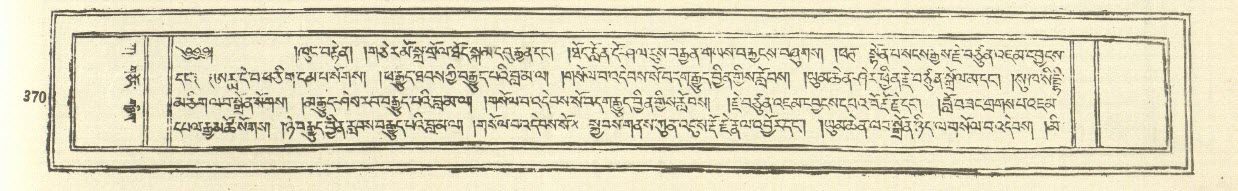༄༅༅། །ཁུང་བརྟེན། །གཅེར་མོ་སྐྲ་གྲོལ་ཐོད་སྐམ་དབུ་རྒྱན་དང་། །ཐོང་རློན་དོ་ཤལ་རུས་བརྒྱན་གཡས་བརྐྱངས་བཞུགས། །ཕཊ་སྟོན་པ་སངས་རྒྱས་རྗེ་བཙུན་འཇམ་དབྱངས་
དང་། །ཨརྱ་དེ་བ་ཕ་ཅིག་དམ་པ་སོགས། །ཕ་རྒྱུད་ཐབས་ཀྱི་བརྒྱུད་པའི་བླ་མ་ལ། །གསོལ་འདེབས་སོ་བདག་རྒྱུད་བྱིན་གྱིས་རློབས། །ཡུམ་ཆེན་ཤེར་ཕྱིན་རྗེ་བཙུན་སྒྲོལ་མ་དང་། །སུ་ཁ་སིདབྷི་
མ་ཅིག་ལབ་སྒྲོན་སོགས། །མ་རྒྱུད་ཤེས་རབ་བརྒྱུད་པའི་བླ་མ་ལ། གསོལ་འདེབས་སོ་བདག་རྒྱུད་བྱིན་གྱིས་རློབས། །རྗེ་བཙུན་འཇམ་དབྱངས་དཔའ་བོ་རྡོ་རྗེ་དང་། །བློ་བཟང་གྲགས་པ་འཇམ་
དཔལ་རྒྱ་མཚོ་སོགས། །ཉེ་བརྒྱུད་བྱིན་རླབས་བརྒྱུད་པའི་བླ་མ་ལ། །གསོལ་བ་འདེབས་སོ་྾་སྐྱབས་གནས་ཀུན་འདུས་རྡོ་རྗེ་རྣལ་འབྱོར་དང་། །ཡུམ་ཆེན་ལབ་སྒྲོན་ཉིད་ལ་གསོལ་བ་འདེབས། །མི་